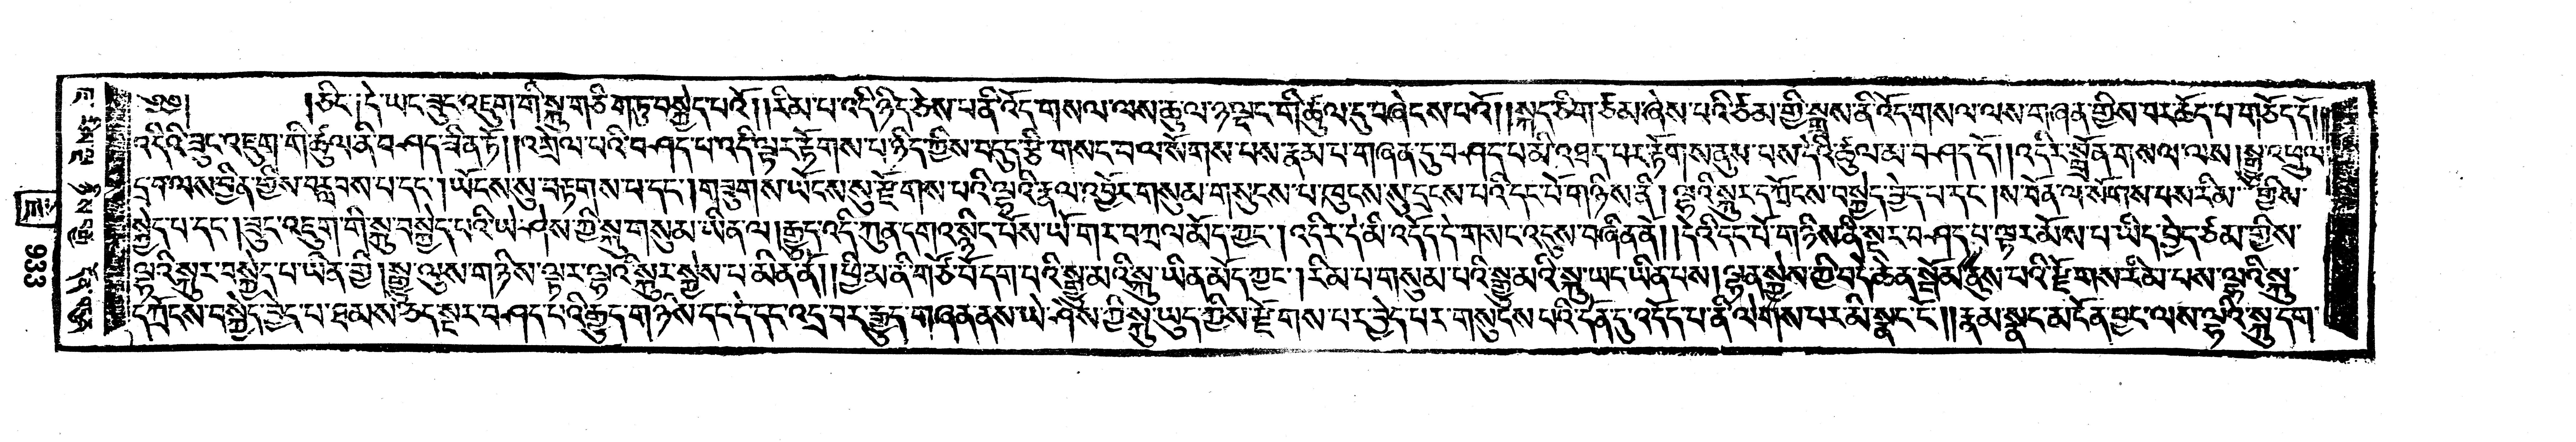༄༅། །ཅིང་། དེ་ཡང་ཟུང་འཇུག་གི་སྐུ་གཅིག་ཏུ་བསྐྱེད་པའོ། །རིམ་པ་འདི་ཉིད་ཅེས་པ་ནི་འོད་གསལ་ལས་ཆུ་ལ་ཉ་ལྡང་གི་ཚུལ་དུ་བཞེངས་པའོ། །སྐད་ཅིག་ཙམ་ཞེས་པའི་ཙམ་གྱི་སྒྲས་ནི་འོད་གསལ་ལས་གཞན་གྱིས་བར་ཆོད་པ་གཅོད་དོ། །
འདིའི་ཟུང་འཇུག་གི་ཚུལ་ནི་བཤད་ཟིན་ཏོ། །འགྲེལ་པའི་བཤད་པ་འདི་ལྟར་རྟོགས་པ་ཉིད་ཀྱིས་བདུད་རྩི་གསང་བ་ལ་སོགས་པས་རྣམ་པ་གཞན་དུ་བཤད་པ་མི་འཐད་པར་རྟོགས་ནུས་པས་དེའི་ཚུལ་མ་བཤད་དོ། །འདིར་སྒྲོན་གསལ་ལས། སྒྱུ་འཕྲུལ་
དྲ་བ་ལས་བྱིན་གྱིས་བརླབས་པ་དང་། ཡོངས་སུ་བརྟགས་པ་དང་། གཟུགས་ཡོངས་སུ་རྫོགས་པའི་ལྷའི་རྣལ་འབྱོར་གསུམ་གསུངས་པ་ཁུངས་སུ་དྲངས་པའི་དང་པོ་གཉིས་ནི། ལྷའི་སྐུར་དཀྲོངས་བསྐྱེད་བྱེད་པ་དང་། ས་བོན་ལ་སོགས་པས་རིམ་གྱིས་
སྐྱེད་པ་དང་། ཟུང་འཇུག་གི་སྐུ་བསྐྱེད་པའི་ཡེ་ཤེས་ཀྱི་སྐུ་གསུམ་ཡིན་ལ། རྒྱུད་འདི་ཀུན་དགའ་སྙིང་པོས་ཡོ་གར་བཀྲལ་མོད་ཀྱང་། འདིར་དེ་མི་འདོད་དེ་གསང་འདུས་བཞིན་ནོ། །དེའི་དང་པོ་གཉིས་ནི་སྔར་བཤད་པ་ལྟར་མོས་པ་ཡིད་བྱེད་ཙམ་གྱིས་
ལྷའི་སྐུར་བསྐྱེད་པ་ཡིན་གྱི། སྒྱུ་ལུས་གཉིས་ལྟར་ལྷའི་སྐུར་སྐྱེས་པ་མིན་ནོ། །ཕྱི་མ་ནི་གཙོ་བོ་དག་པའི་སྒྱུ་མའི་སྐུ་ཡིན་མོད་ཀྱང་། རིམ་པ་གསུམ་པའི་སྒྱུ་མའི་སྐུ་ཡང་ཡིན་པས། ལྷན་སྐྱེས་ཀྱི་བདེ་ཆེན་སྒོམ་ནུས་པའི་རྫོགས་རིམ་པས་ལྷའི་སྐུ་
དཀྲོངས་བསྐྱེད་བྱེད་པ་ཐམས་ཅད་སྔར་བཤད་པའི་རྒྱུད་གཉིས་དང་དེ་དང་འདྲ་བར་རྒྱུད་གཞན་ནས་ཡེ་ཤེས་ཀྱི་སྐུ་ཡུད་ཀྱིས་རྫོགས་པར་བྱེད་པར་གསུངས་པའི་དོན་དུ་འདོད་པ་ནི་ལེགས་པར་མི་སྣང་ངོ། །རྣམ་སྣང་མངོན་བྱང་ལས་ལྷའི་སྐུ་དག་